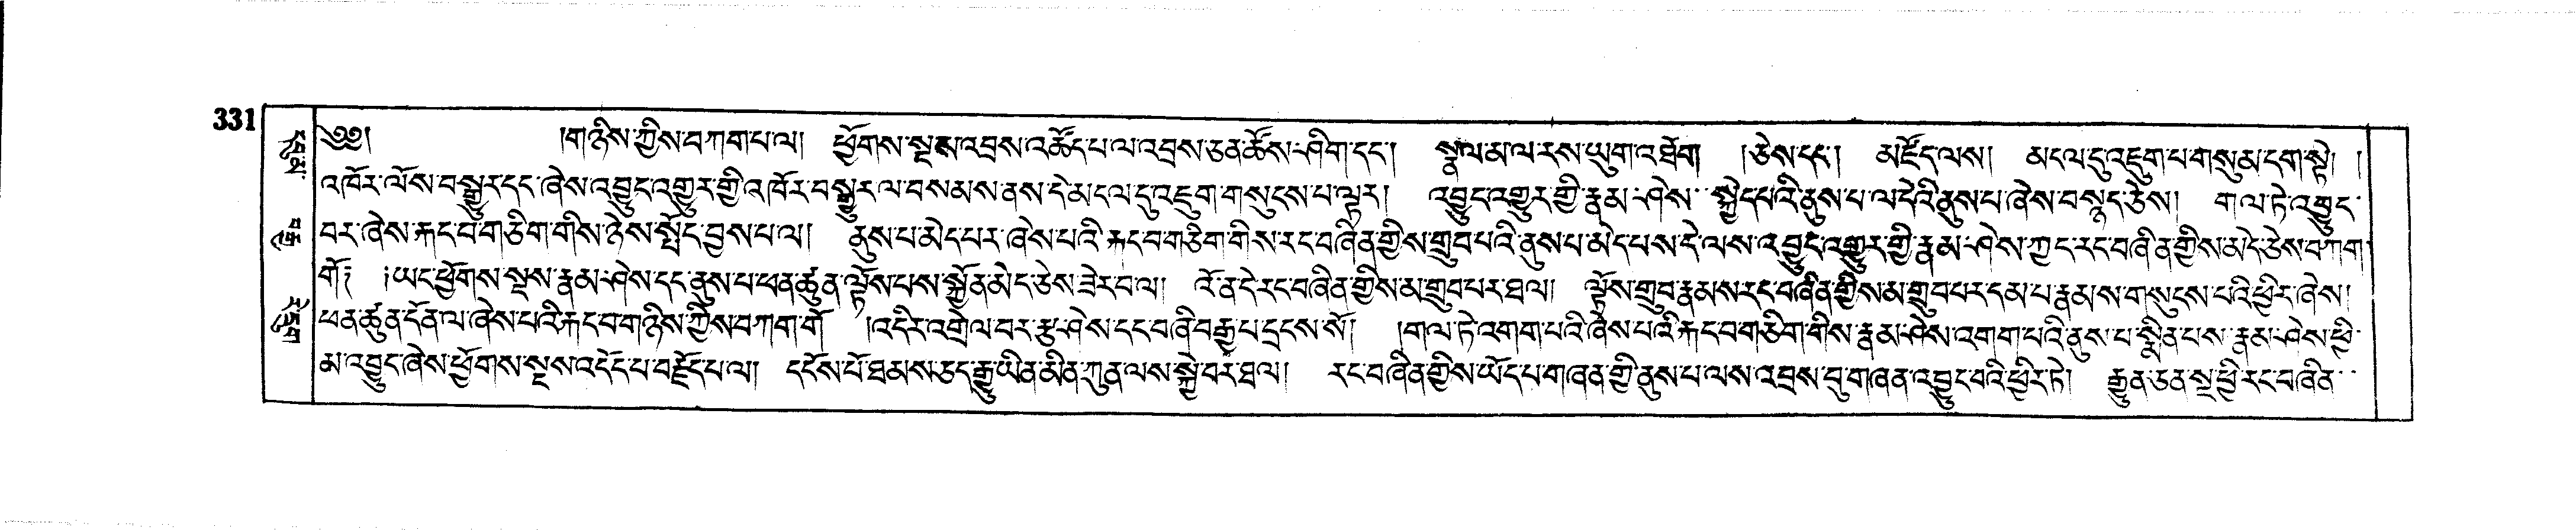༄༅། །གཉིས་ཀྱིས་བཀག་པ་ལ། ཕྱོགས་སྔས་འབྲས་འཚོད་པ་ལ་འབྲས་ཅན་ཚོས་ཤིག་དང་། སྣལ་མ་ལ་རས་ཡུག་འཐོག །ཅེས་དང་། མཛོད་ལས། མངལ་དུ་འཇུག་པ་གསུམ་དག་སྟེ། །
འཁོར་ལོས་བསྒྱུར་དང་ཞེས་འབྱུང་འགྱུར་གྱི་འཁོར་བསྒྱུར་ལ་བསམས་ནས་དེ་མངལ་དུ་འཇུག་གསུངས་པ་ལྟར། འབྱུང་འགྱུར་གྱི་རྣམ་ཤེས་སྐྱེད་པའི་ནུས་པ་ལ་དེའི་ནུས་པ་ཞེས་བསྙད་ཅེས། གལ་ཏེ་འབྱུང་
བར་ཞེས་རྐང་པ་གཅིག་གིས་ཉེས་སྤོང་བྱས་པ་ལ། ནུས་པ་མེད་པར་ཞེས་པའི་རྐང་བ་གཅིག་གིས་རང་བཞིན་གྱིས་གྲུབ་པའི་ནུས་པ་མེད་པས་དེ་ལས་འབྱུང་འགྱུར་གྱི་རྣམ་ཤེས་ཀྱང་རང་བཞིན་གྱིས་མེད་ཅེས་བཀག་
གོ༑ ༑ཡང་ཕྱོགས་སྔས་རྣམ་ཤེས་དང་ནུས་པ་ཕན་ཚུན་ལྟོས་པས་སྐྱོན་མེད་ཅེས་ཟེར་བ་ལ། འོ་ན་དེ་རང་བཞིན་གྱིས་མ་གྲུབ་པར་ཐལ། ལྟོས་གྲུབ་རྣམས་རང་བཞིན་གྱིས་མ་གྲུབ་པར་དམ་པ་རྣམས་གསུངས་པའི་ཕྱིར་ཞེས།
ཕན་ཚུན་དོན་ལ་ཞེས་པའི་རྐང་པ་གཉིས་ཀྱིས་བཀག་གོ །འདིར་འགྲེལ་བར་རྩ་ཤེས་དང་བཞི་བརྒྱ་པ་དྲངས་སོ། །གལ་ཏེ་འགག་པའི་ཞེས་པའི་རྐང་བ་གཅིག་གིས་རྣམ་ཤེས་འགག་པའི་ནུས་པ་སྨིན་པས་རྣམ་ཤེས་ཕྱི་
མ་འབྱུང་ཞེས་ཕྱོགས་སྔས་འདོད་པ་བརྗོད་པ་ལ། དངོས་པོ་ཐམས་ཅད་རྒྱུ་ཡིན་མིན་ཀུན་ལས་སྐྱེ་བར་ཐལ། རང་བཞིན་གྱིས་ཡོད་པ་གཞན་གྱི་ནུས་པ་ལས་འབྲས་བུ་གཞན་འབྱུང་བའི་ཕྱིར་ཏེ། རྒྱུན་ཅན་སྔ་ཕྱི་རང་བཞིན་